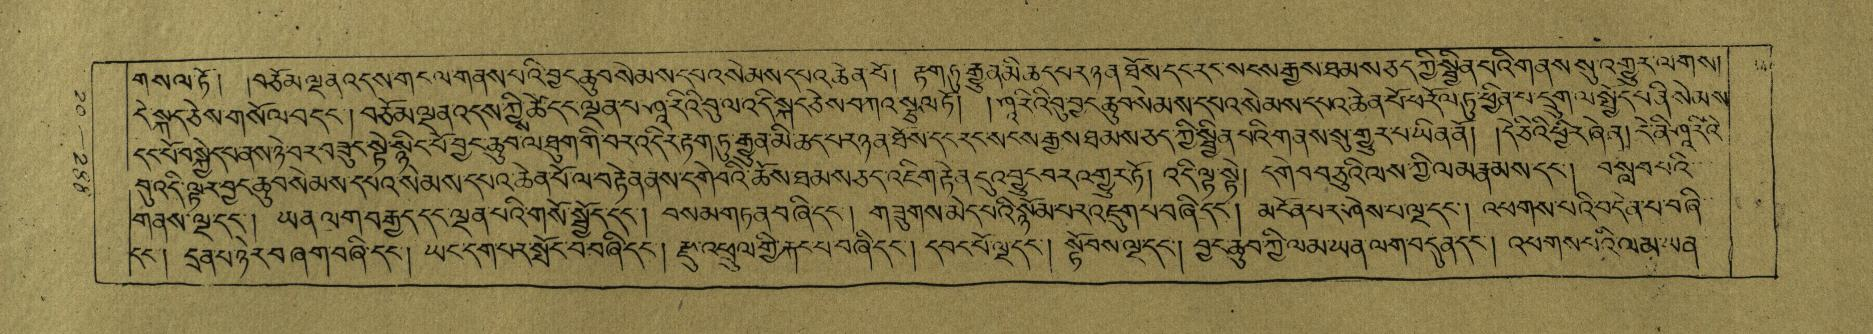གསལ་ཏོ། །བཅོམ་ལྡན་འདས་གང་ལ་གནས་པའི་བྱང་ཆུབ་སེམས་དཔའ་སེམས་དཔའ་ཆེན་པོ། རྟག་ཏུ་རྒྱུན་མི་ཆད་པར་ཉན་ཐོས་དང་རང་སངས་རྒྱས་ཐམས་ཅད་ཀྱི་སྦྱིན་པའི་གནས་སུ་འགྱུར་ལགས།
དེ་སྐད་ཅེས་གསོལ་བ་དང་། བཅོམ་ལྡན་འདས་ཀྱིས་ཚེ་དང་ལྡན་པ་ཤཱ་རིའི་བུ་ལ་འདི་སྐད་ཅེས་བཀའ་སྩལ་ཏོ། །ཤཱ་རིའི་བུ་བྱང་ཆུབ་སེམས་དཔའ་སེམས་དཔའ་ཆེན་པོ་ཕ་རོལ་ཏུ་ཕྱིན་པ་དྲུག་ལ་སྤྱོད་པ་ནི་སེམས་
དང་པོ་བསྐྱེད་པ་ནས་ཉེ་བར་བཟུང་སྟེ་སྙིང་པོ་བྱང་ཆུབ་ལ་ཐུག་གི་བར་འདིར་རྟག་ཏུ་རྒྱུན་མི་ཆད་པར་ཉན་ཐོས་དང་རང་སངས་རྒྱས་ཐམས་ཅད་ཀྱི་སྦྱིན་པའི་གནས་སུ་གྱུར་པ་ཡིན་ནོ། །དེ་ཅིའི་ཕྱིར་ཞེ་ན། དེ་ནི་ཤཱ་རིའི་
བུ་འདི་ལྟར་བྱང་ཆུབ་སེམས་དཔའ་སེམས་དཔའ་ཆེན་པོ་ལ་བརྟེན་ནས་དགེ་བའི་ཆོས་ཐམས་ཅད་འཇིག་རྟེན་དུ་འབྱུང་བར་འགྱུར་ཏོ། འདི་ལྟ་སྟེ། དགེ་བ་བཅུའི་ལས་ཀྱི་ལམ་རྣམས་དང་། བསླབ་པའི་
གནས་ལྔ་དང་། ཡན་ལག་བརྒྱད་དང་ལྡན་པའི་གསོ་སྦྱོང་དང་། བསམ་གཏན་བཞི་དང་། གཟུགས་མེད་པའི་སྙོམ་པར་འཇུག་པ་བཞི་དང་། མངོན་པར་ཤེས་པ་ལྔ་དང་། འཕགས་པའི་བདེན་པ་བཞི་
དང་། དྲན་པ་ཉེར་བཞག་བཞི་དང་། ཡང་དག་པར་སྤོང་བ་བཞི་དང་། རྫུ་འཕྲུལ་གྱི་རྐང་པ་བཞི་དང་། དབང་པོ་ལྔ་དང་། སྟོབས་ལྔ་དང་། བྱང་ཆུབ་ཀྱི་ལམ་ཡན་ལག་བདུན་དང་། འཕགས་པའི་ལམ་ཡན་